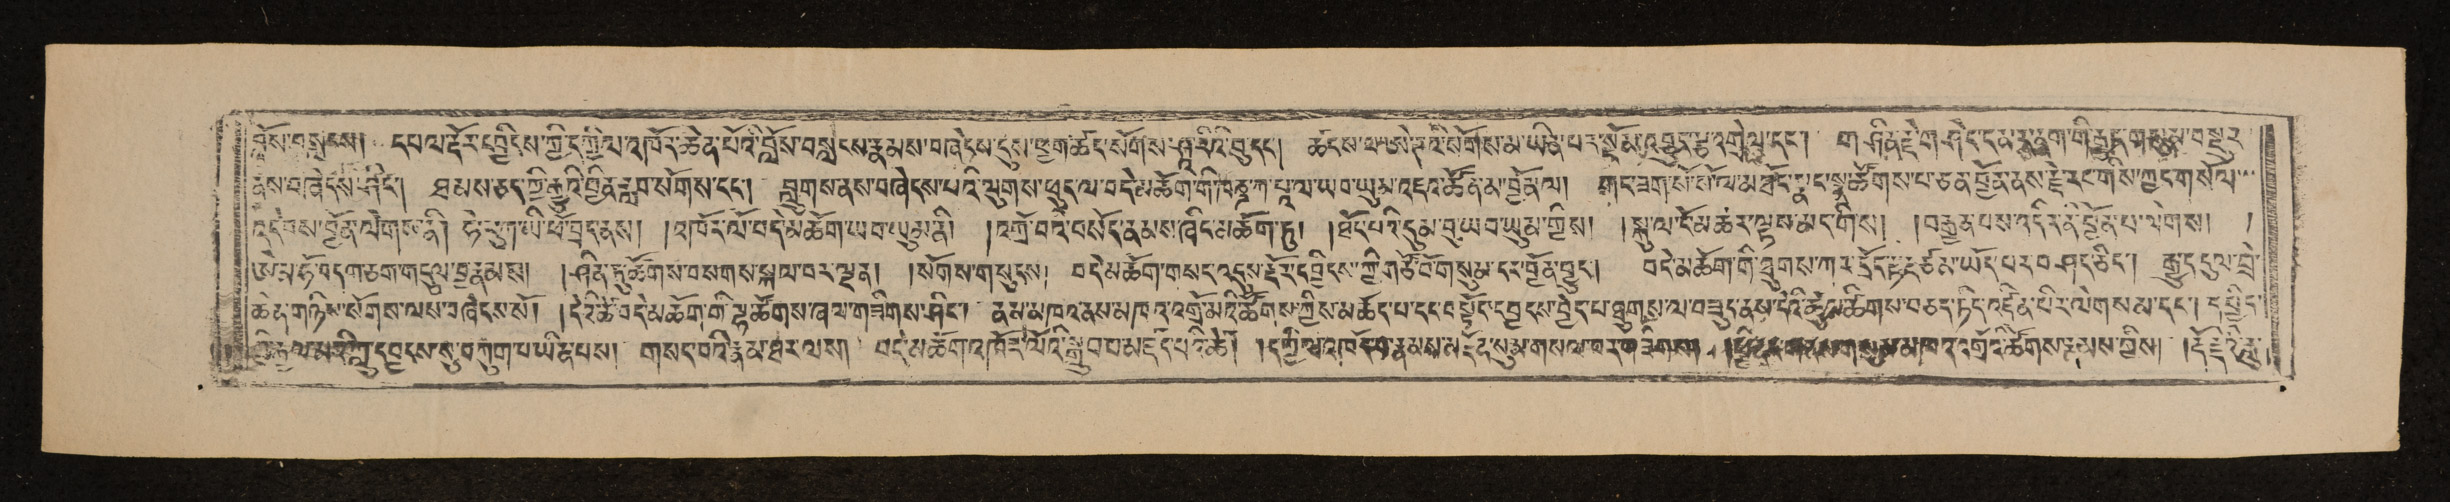བློས་བསླངས། དཔལ་རྡོར་དབྱིངས་ཀྱི་དཀྱིལ་འཁོར་ཆེན་པོའི་བློས་བསླངས་རྣམས་བཞེངས་དུས་ཕྱག་ཚད་སོགས་ཤཱ་རིའི་བུ་དང་། ཚངས་པ་ཨེ་ཊའི་སོགས་མ་ཡིན་པར་སྡོམ་འབྱུང་རྩ་འགྲེལ་དང་། གཤིན་རྗེ་གཤེད་དམར་ནག་གི་རྒྱུད་གསུམ་བསྡུར་
ནས་བཞེངས་ཤིང་། ཐམས་ཅད་ཀྱི་རྒྱུའི་བྱིན་རླབ་སོགས་དང་། བླུགས་ནས་བཞེངས་པའི་ལུགས་ཕུད་ལ་བདེ་མཆོག་གི་ཁཎྜ་ཀ་པཱ་ལ་ཡབ་ཡུམ་འཇའ་ཚོན་མ་བྱོན་ལ། གང་ཟག་སོ་སོ་ལ་མཐོང་སྣང་སྣ་ཚོགས་བཅན་བྱོན་ནས་རྗེ་རང་གིས་ཀྱང་གསོལ་
འདེབས་བྱོན་ལེགས་ནི། ཧེ་རུ་ཀ་ཡི་ཕོ་བྲང་ནས། །འཁོར་ལོ་བདེ་མཆོག་ཡབ་ཡུམ་ནི། །འགྲོ་བའི་བསོད་ནམས་ཞིང་མཆོག་ཏུ། །ཐོད་པའི་དུམ་བུ་ཡབ་ཡུམ་གྱིས། །སྐུ་ལ་ངོ་མཚར་ལྟས་མང་གིས། །བརྒྱན་པས་འདིར་ནི་བྱོན་པ་ལེགས། །
ཨེ་མ་ཧོ་བདག་ཅག་གདུལ་བྱ་རྣམས། །ཤིན་ཏུ་ཚོགས་བསགས་སྐལ་བར་ལྡན། །སོགས་གསུངས། བདེ་མཆོག་གསང་འདུས་རྡོར་དབྱིངས་ཀྱི་གཙོ་བོ་གསུམ་རང་བྱོན་བྱུང་། བདེ་མཆོག་གི་ཐུགས་ཀར་དྲོད་རྟ་རྔ་ཙམ་ཡོད་པར་བཤད་ཅིང་། རྒྱུ་དངུལ་བྲེ་
ཆེན་གཉིས་སོགས་ལས་བཞེངས་སོ། །དེའི་ཚེ་བདེ་མཆོག་གི་ལྷ་ཚོགས་ཞལ་གཟིགས་ཤིང་། ནམ་མཁའ་ནས་མཁའ་འགྲོ་མའི་ཚོགས་ཀྱིས་མཆོད་པ་དང་བསྟོད་དབྱངས་བྱེད་པ་ཐུགས་ལ་བཟུང་ནས་དེའི་ཚུལ་ཚིགས་བཅད་ཏིང་འཛིན་པིར་ལེགས་མ་དང་། དཔྱིད་
ཀྱི་རྒྱལ་མོའི་ཀླུ་དབྱངས་སུ་བཀུག་པ་ཡིན་པས། གསང་བའི་རྣམ་ཐར་ལས། བདེ་མཆོག་འཁོར་ལོའི་སྒྲུབ་པ་མཛད་པའི་ཚེ། །དཀྱིལ་འཁོར་པ་རྣམས་མངོན་སུམ་གསལ་བར་གཟིགས། །ཕྱི་ནང་གནས་གསུམ་མཁའ་འགྲོའི་ཚོགས་རྣམས་ཀྱིས། །རྡོ་རྗེའི་གླུ་